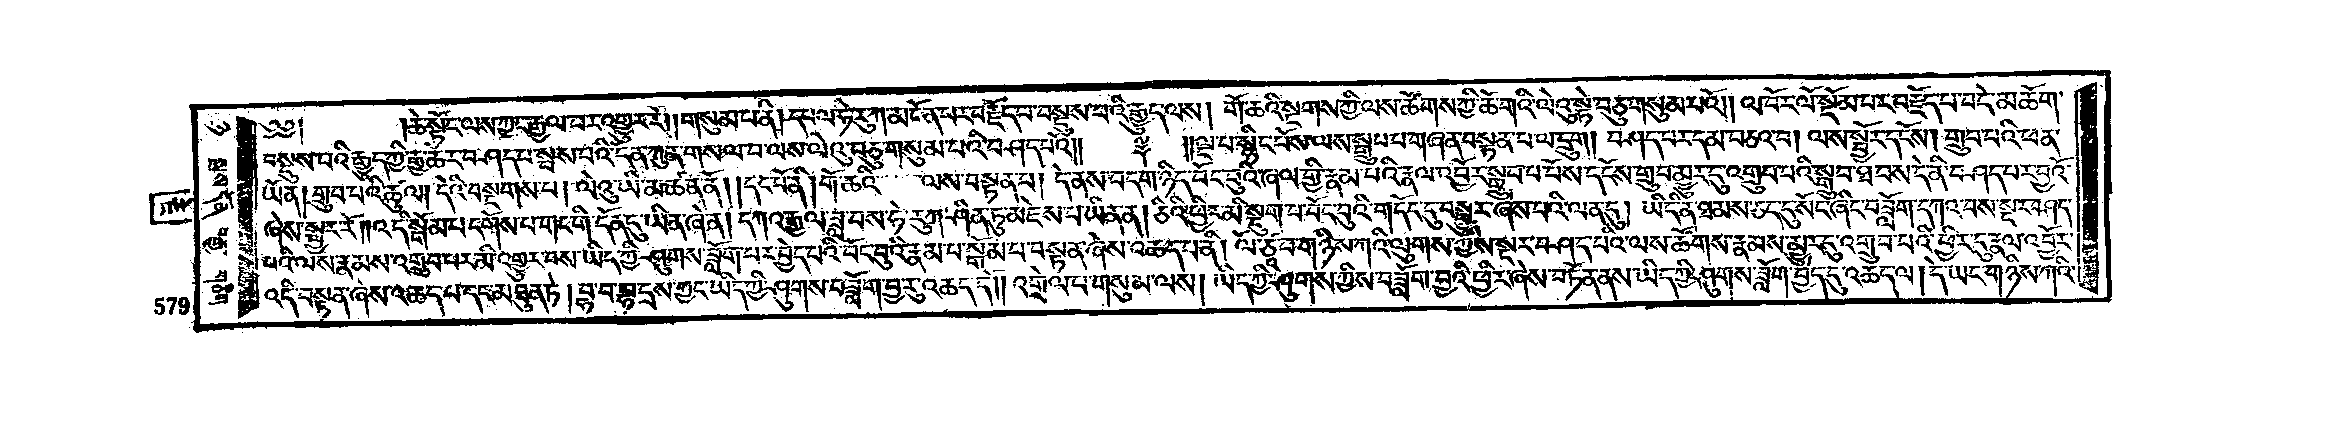༄༅། །ཆེ་སྟོང་ལས་ཀྱང་རྒྱལ་བར་འགྱུར་རོ། །གསུམ་པ་ནི། དཔལ་ཧེ་རུ་ཀ་མངོན་པར་བརྗོད་པ་བསྡུས་པའི་རྒྱུད་ལས། གོ་ཆའི་སྔགས་ཀྱི་ལས་ཚོགས་ཀྱི་ཆོ་གའི་ལེའུ་སྟེ་བཅུ་གསུམ་པའོ། །འཁོར་ལོ་སྡོམ་པར་བརྗོད་པ་བདེ་མཆོག་
བསྡུས་པའི་རྒྱུད་ཀྱི་རྒྱ་ཆེར་བཤད་པ་སྦས་པའི་དོན་ཀུན་གསལ་བ་ལས་ལེའུ་བཅུ་གསུམ་པའི་བཤད་པའོ།། ༈ །།ལྔ་པ་སྙིང་པོས་ལས་སྒྲུབ་པ་གཞན་བསྟན་པ་ལ་དྲུག །བཤད་པར་དམ་བཅའ་བ། ལས་སྦྱོར་དངོས། གྲུབ་པའི་ཕན་
ཡོན། གྲུབ་པའི་ཚུལ། དེའི་བསྔགས་པ། ལེའུ་ཡི་མཚན་ནོ། །དང་པོ་ནི། གོ་ཆའི་ལས་བསྟན་པ། དེ་ནས་བདག་ཉིད་བོང་བུའི་ཞལ་གྱི་རྣམ་པའི་རྣལ་འབྱོར་སྒྲུབ་པ་པོས་དངོས་གྲུབ་མྱུར་དུ་འགྲུབ་པའི་སྒྲུབ་ཐབས་དེ་ནི་བཤད་པར་བྱའོ་
ཞེས་སྦྱར་རོ། །འདི་སྒོམ་པ་དགོས་པ་གང་གི་དོན་དུ་ཡིན་ཞེ་ན། དཀའ་རྒྱལ་ཟླ་བས་ཧེ་རུ་ཀ་ཤིན་ཏུ་མཛེས་པ་ཡིན་ན། ཅིའི་ཕྱིར་མི་སྡུག་པ་བོང་བུའི་གདོང་དུ་བསྒྱུར་ཞེས་པའི་ལན་དུ། ཡིད་ནི་ཐམས་ཅད་དུ་སོང་ཞིང་བཟློག་དཀའ་བས་སྔར་བཤད་
པའི་ལས་རྣམས་འགྲུབ་པར་མི་འགྱུར་བས་ཡིད་ཀྱི་ཤུགས་ཟློག་པར་བྱེད་པའི་བོང་བུའི་རྣམ་པ་སྒོམ་པ་བསྟན་ཞེས་འཆད་པ་ནི། ལོ་ཙཱ་བ་གཉིས་ཀའི་ལུགས་ཀྱིས་སྔར་བཤད་པའི་ལས་ཚོགས་རྣམས་མྱུར་དུ་འགྲུབ་པའི་ཕྱིར་དུ་རྣལ་འབྱོར་
འདི་བསྟན་ཞེས་འཆད་པ་དང་མཐུན་ཏེ། བྷ་བ་བྷ་དྲས་ཀྱང་ཡིད་ཀྱི་ཤུགས་བཟློག་བྱ་རུ་འཆད་དོ། །འགྲེལ་པ་གསུམ་ལས། ཡིད་ཀྱི་ཤུགས་ཀྱིས་བཟློག་བྱའི་ཕྱིར་ཞེས་བཏོན་ནས་ཡིད་ཀྱི་ཤུགས་ཟློག་བྱེད་དུ་འཆད་ལ། དེ་ཡང་གཉིས་ཀའི་